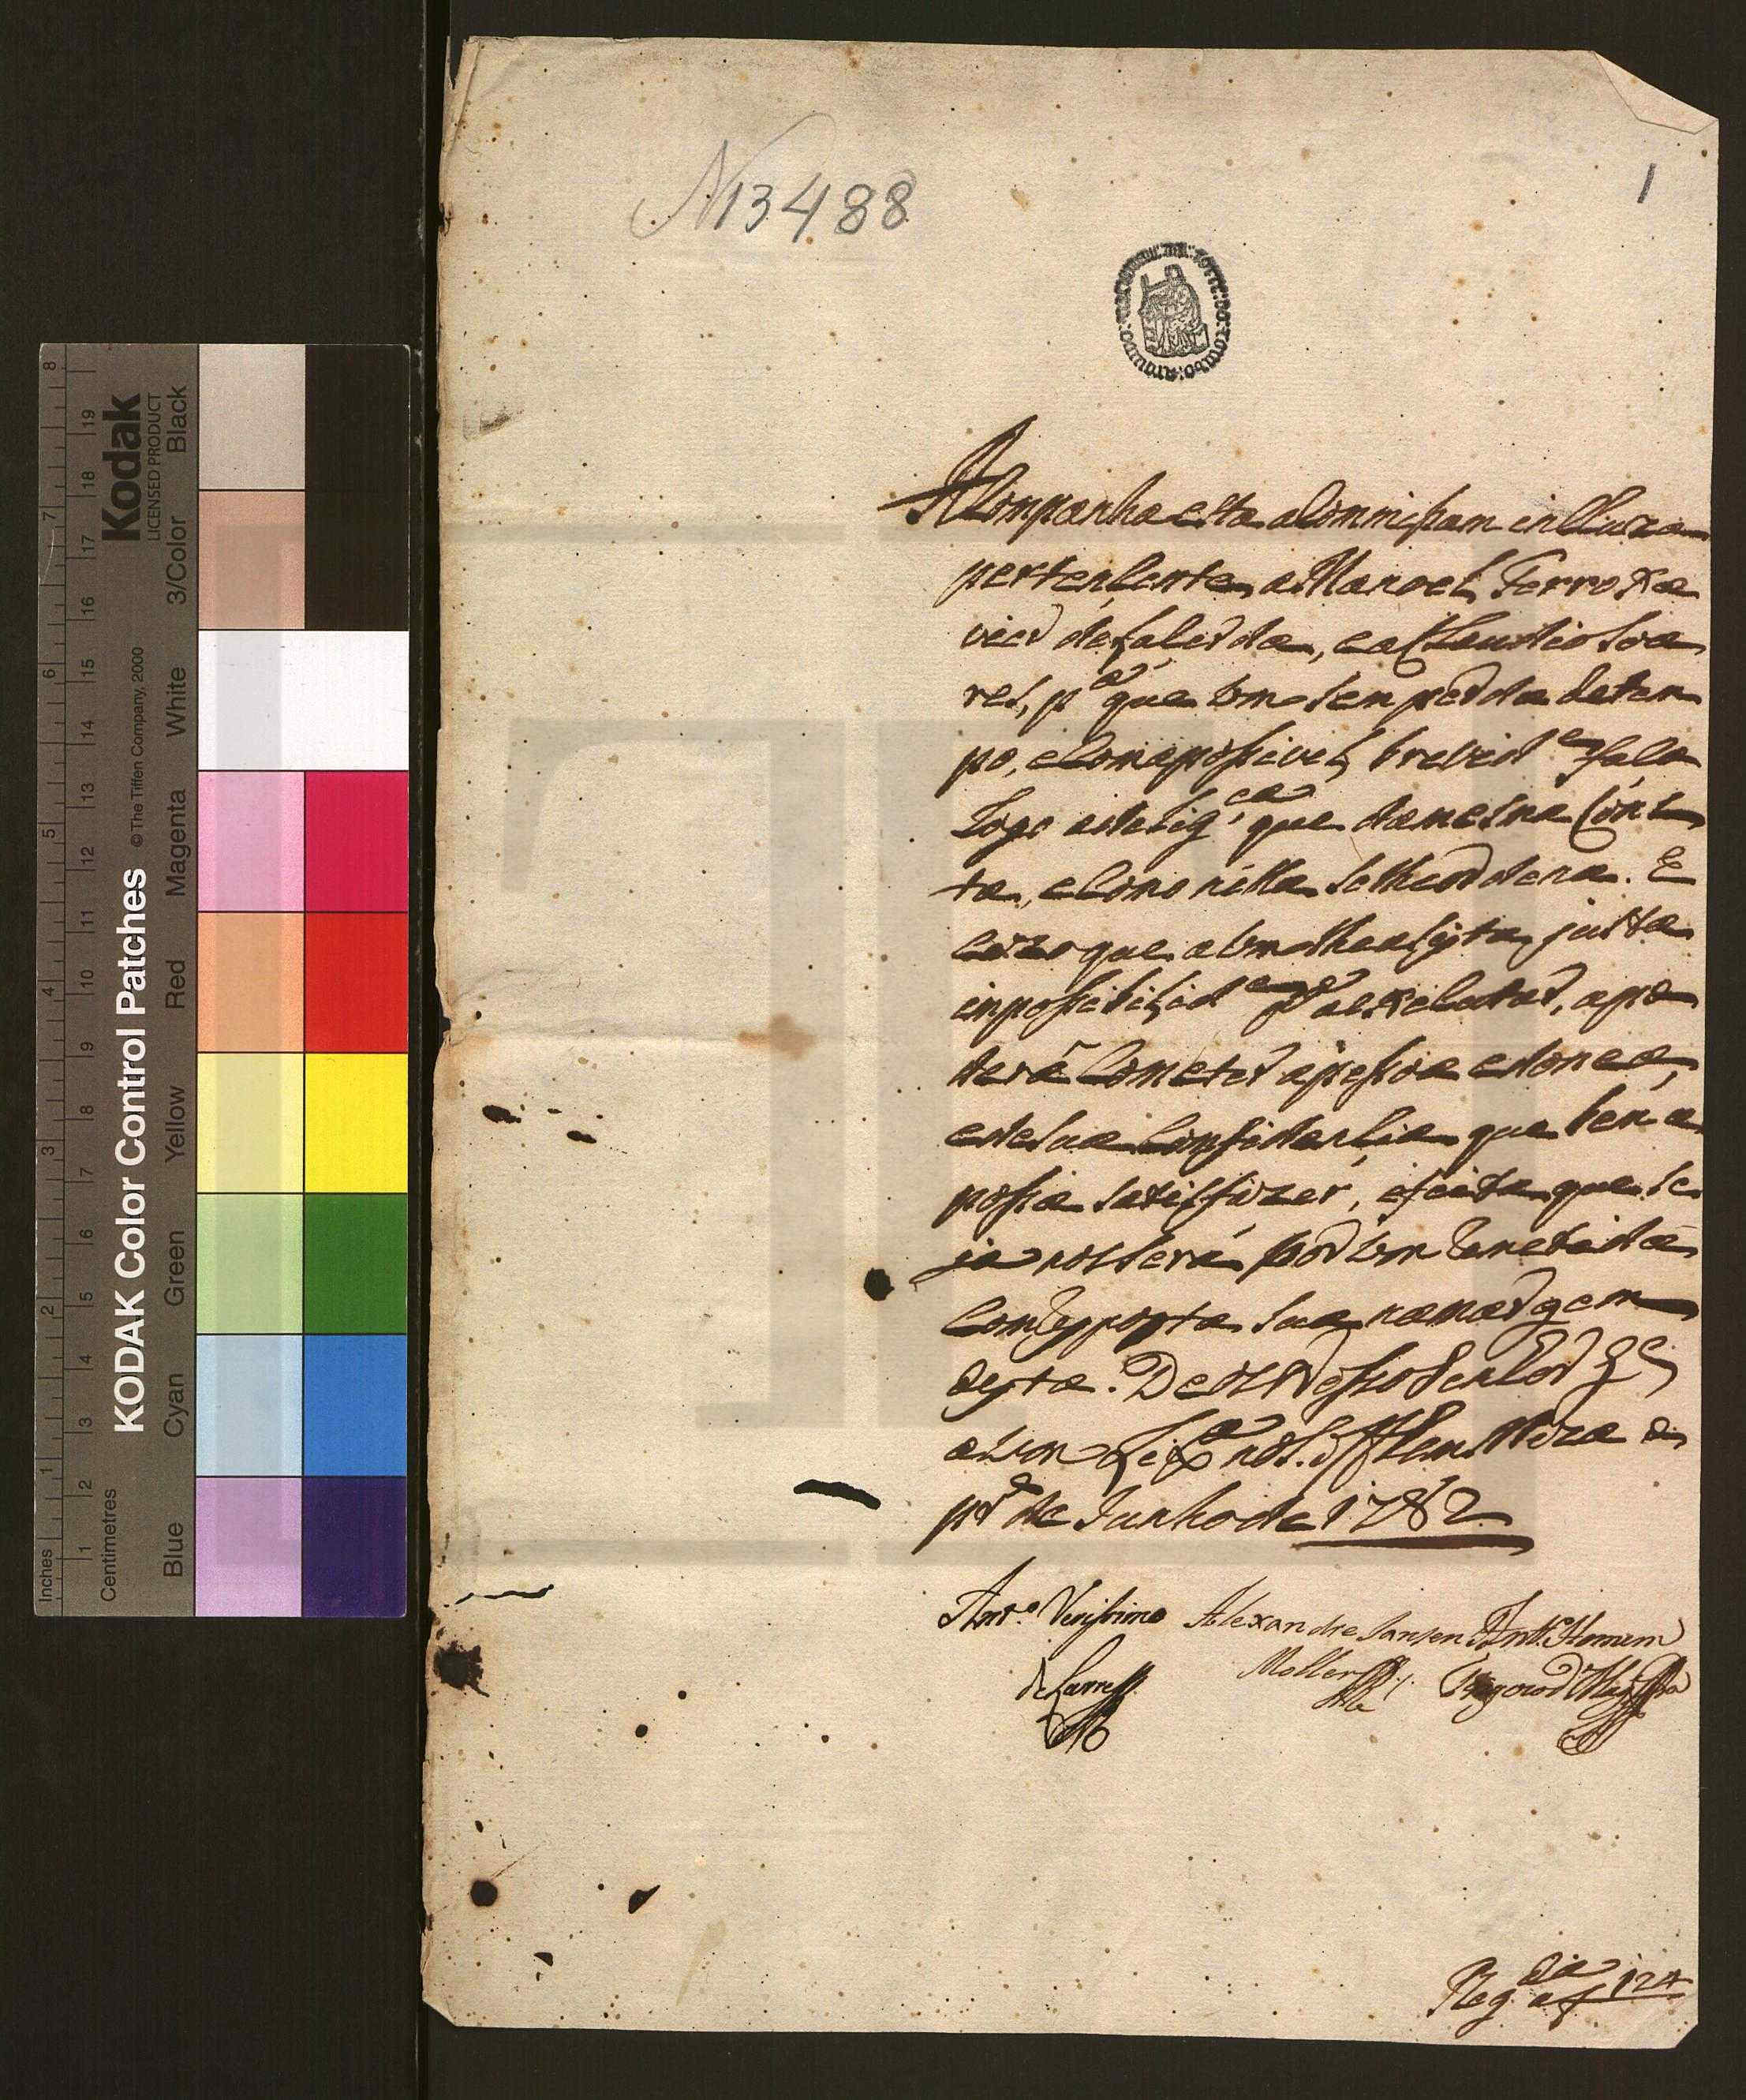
Acompanha esta a Commissam inCluza
pertenÇente a Manoel Ferro Xa
vier de LaÇerda, e a CLaudio Soa
res, pa que vm sem perda de tem
po, e Com a possivel, brevide faÇa
Logo a deligça que da mesma Cons
ta, e Como nélla se lhe ordena. E
cazo que a vm lhe asista justa
impossibilide pa a exeCutar, a po
derá Cometer a pessoa edonea,
e de sua ConfidenÇia, que bem a
possa satisfazer, e feita que se
ja nos será por vm Remetida
Com Resposta sua na margem
desta. Deos Nosso Senhor Ge
a vm Lixa no S. offo em Meza a
pro de Iunho de i782.
Ant.o Verissimo Alexandre Iansen Ant.o Homem
de Larre
Moller
Fragozo de Mage
Reg.da a f i24
